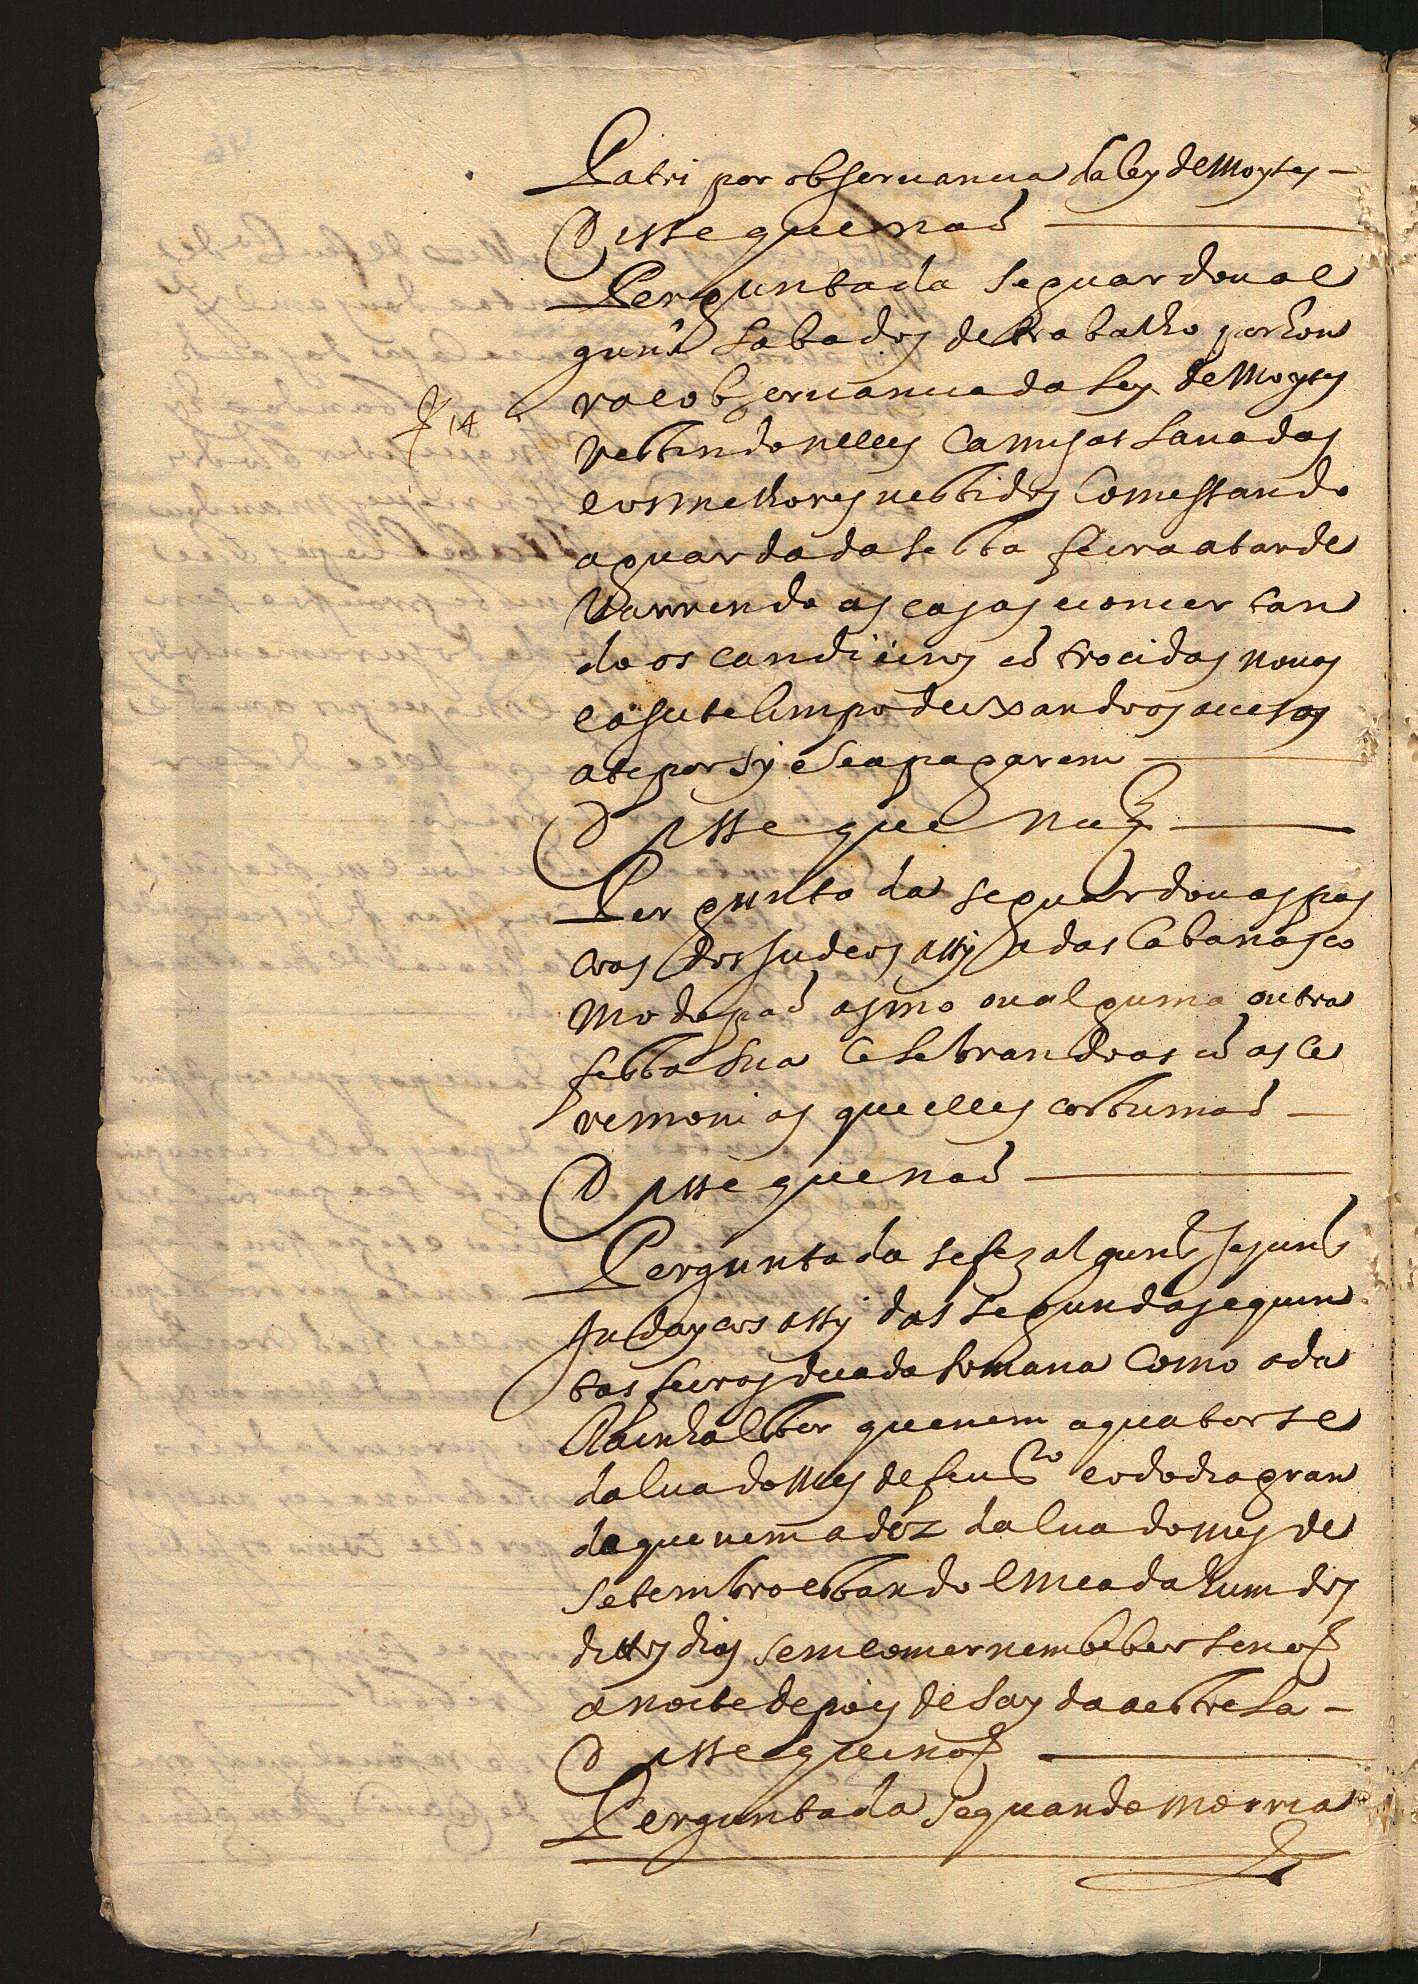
Patri por obseruancia da ley de Moyses
Disse que naõ
Perguntada se guardou al
guns sabados de trabalho por hon
ra e obseruancia da Ley de Moyses
vestindo nelles camisas Lauadas
e os melhores uestidos Comessando
a guarda da sesta feira a tarde
varrendo as casas e concertan
do os candieiros cō trocidas nouas
e aseite limpo deixando os accesos
ate por sy Se apagarem
Disse que naõ
Perguntada se guardou as pas
coas dos Judeos assy a das Cabanas co
mo do paõ asmo ou alguma outra
festa sua celebrandoas cō as ce
remonias que elles costumaõ
Disse que naõ
Perguntada se fez alguns Jejuns
Judaycos assy das segundas e quin
tas feiras de cada somana como o da
Rainha Ester que uem a quatorse
da lua do Mes de feuro e o do dia gran
de que uem a dez da lua do mes de
Setembro estando em cada hum dos
dittos dias sem comer nem beber senaõ
a noite depois de sayda a estreLa
Disse que naõ
Perguntada se quando morria
